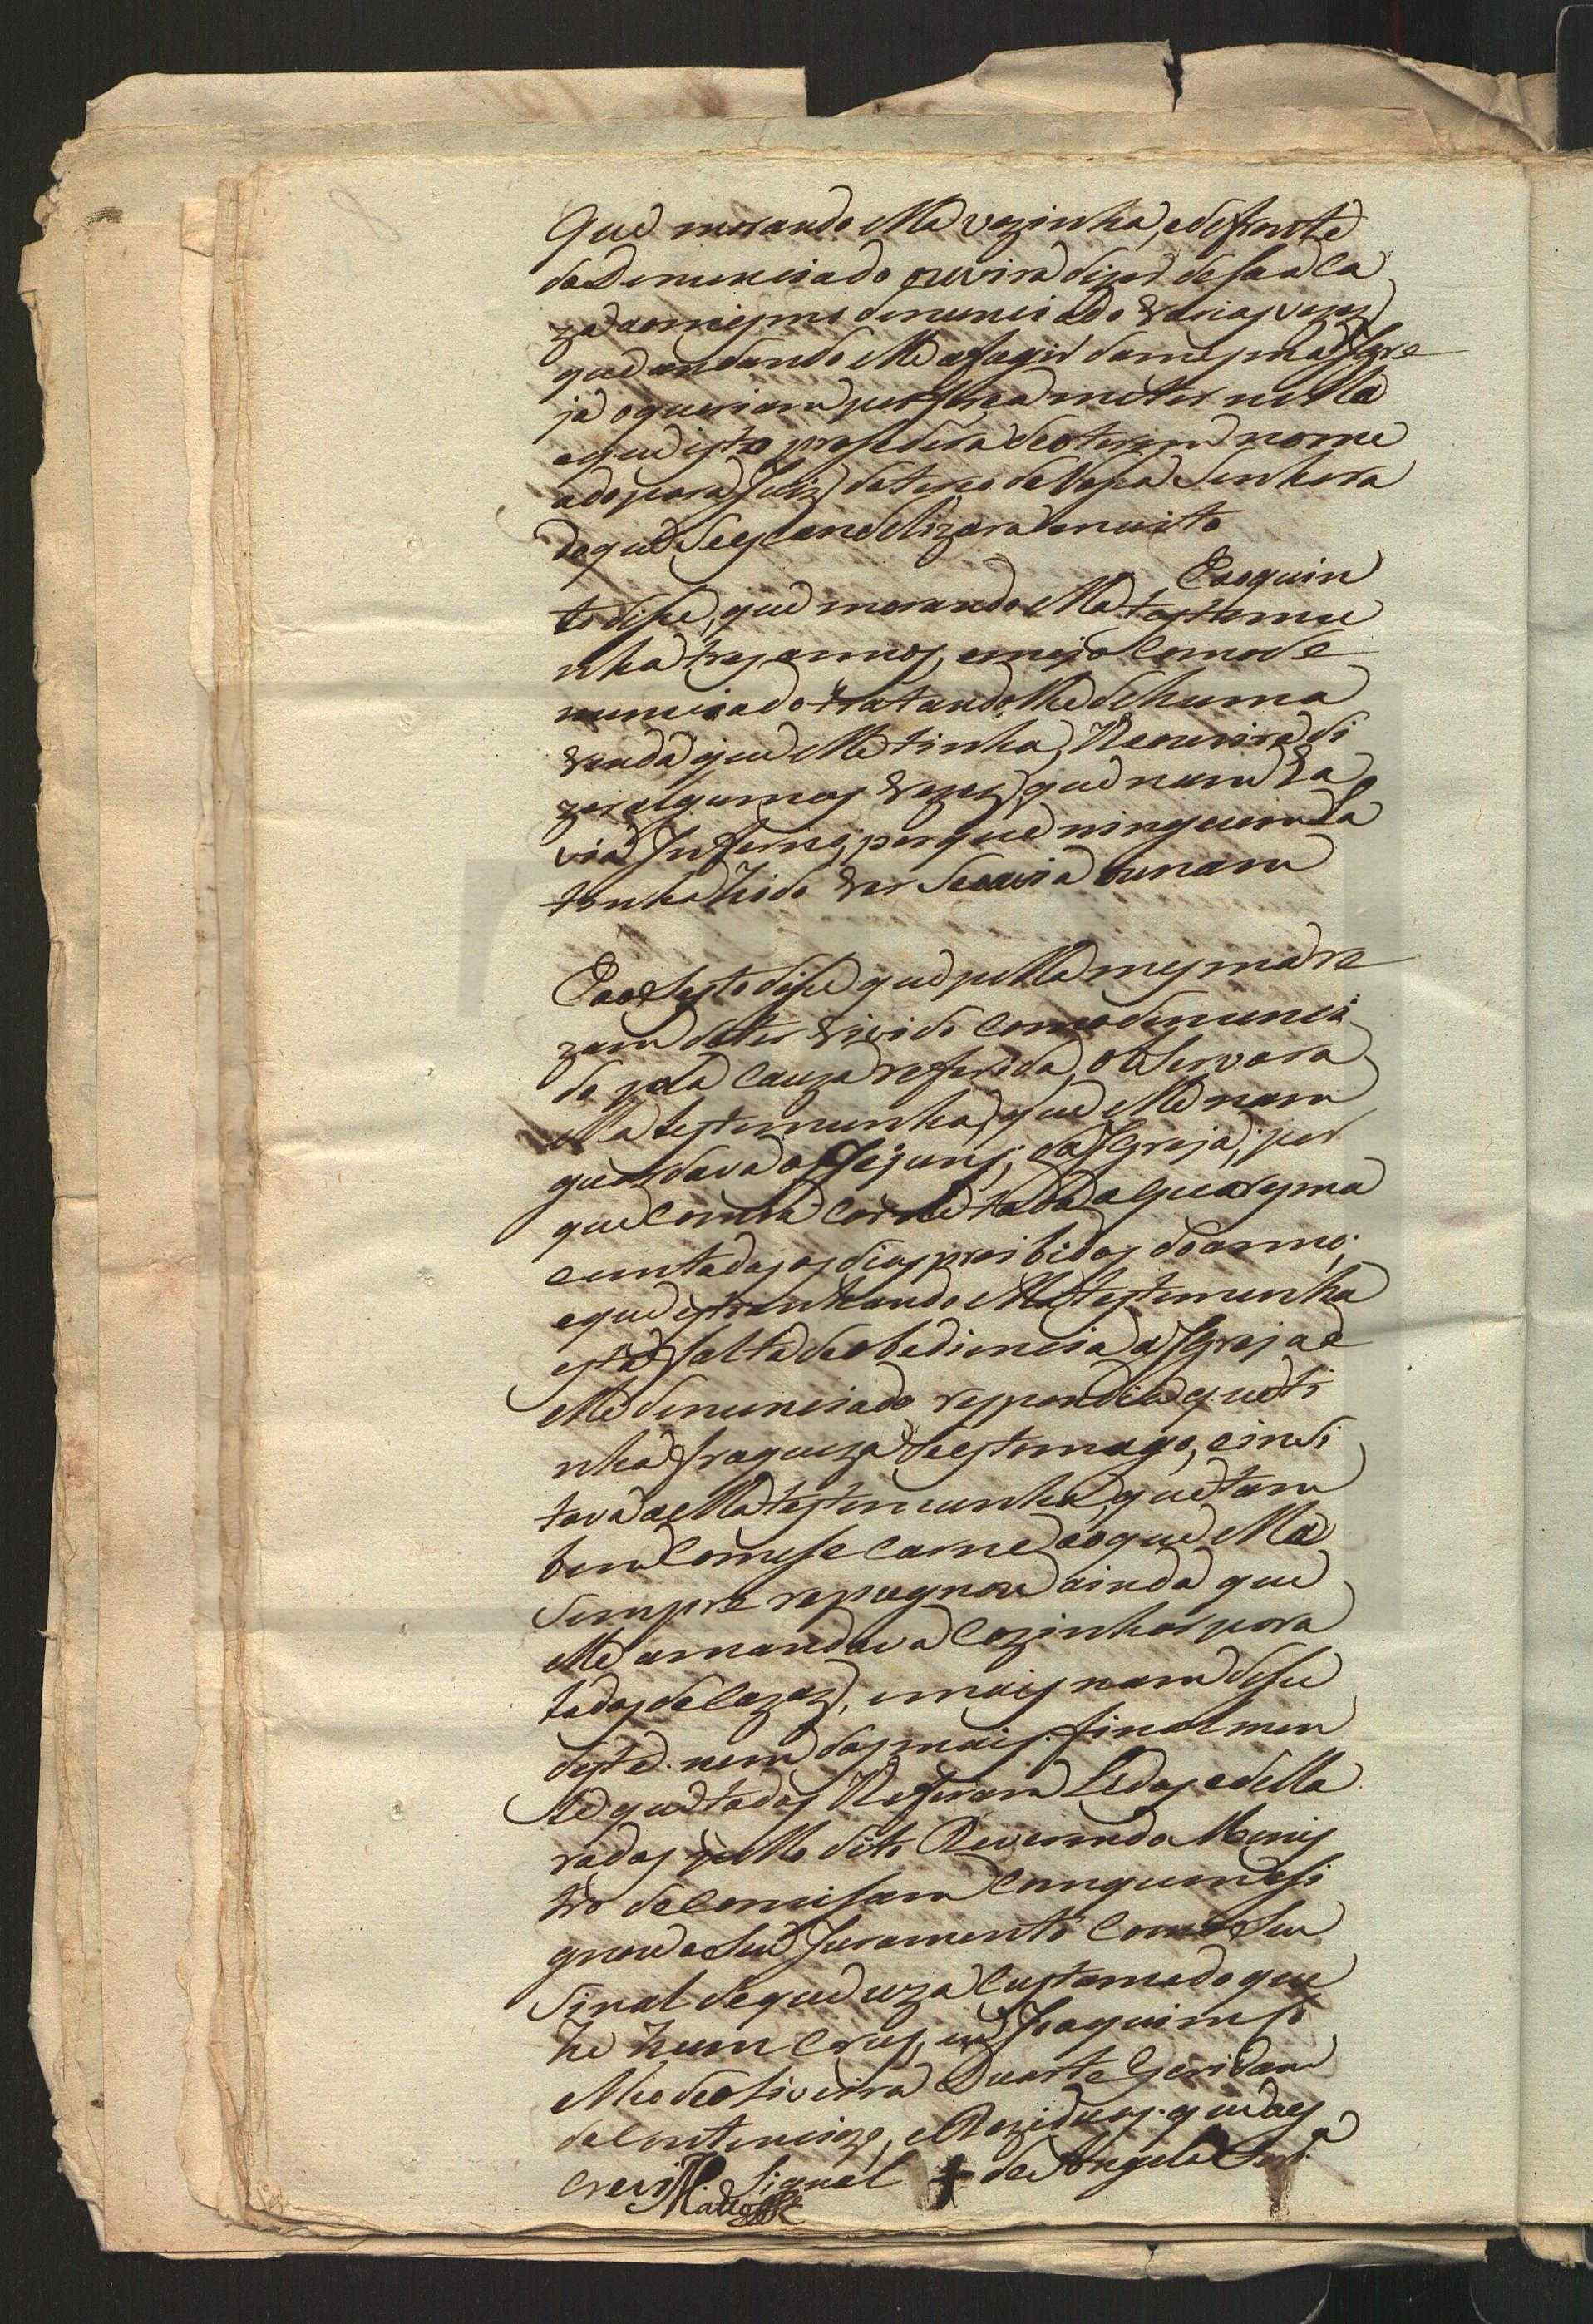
Que morando ella vezinha, e defronte
do Denunciado ouvira dizer de sua ca
za ao mesmo denunciado Varias vezez
que andando elle a fugir da mesma Jgre
ja o queriam por força meter nella
e que isto prosedera de o terem nome
ado para Juiz do terço de Nossa Senhora
do que se escandelizara muito
E ao quin
to disse, que morando ella testamu
nha tres annos, e mejo com o de
nunciado tratandolhe de huma
venda que elle tinha, lhe ouvira di
zer algumas Vezez, que nam ha
via Jnferno, porque ninguem La
tinha hido ver Se avia ou nam
E ao Sesto disse que pella mesma re
zam de ter vivido com o denuncia
do pela cauza referida, obServara
ella testemunha, que elle nam
guardava os Jejuns da Jgreja; por
que comia carne toda a quaresma
e em todos os dias proibidos do anno;
e que estranhando ella testemunha
esta falta de obediencia a Jgreja e
elle denunciado respondia que ti
nha fraqueza de estomago, e inSi
tava a ella testemunha, que tam
bem comese carne ao que ella
sempre repugnou ainda que
elle a mandava cozinhar para
todos de cazaz, e mais nam disse
deste; nem dos mais. finalmen
te que todos lhe foram Lidos e della.
rados pello dito Reverendo Menis
tro de comissam com quem asi
gnou o Seu Juramento com o Seu
sinal de que uza custumado que
he hum crus, eu Joaquim Co
elho de oliveira Duarte Escrivam
do contenciozo, e Reziduos. que o es
crevi Signal + de Angela Ferr.a
Mateo
